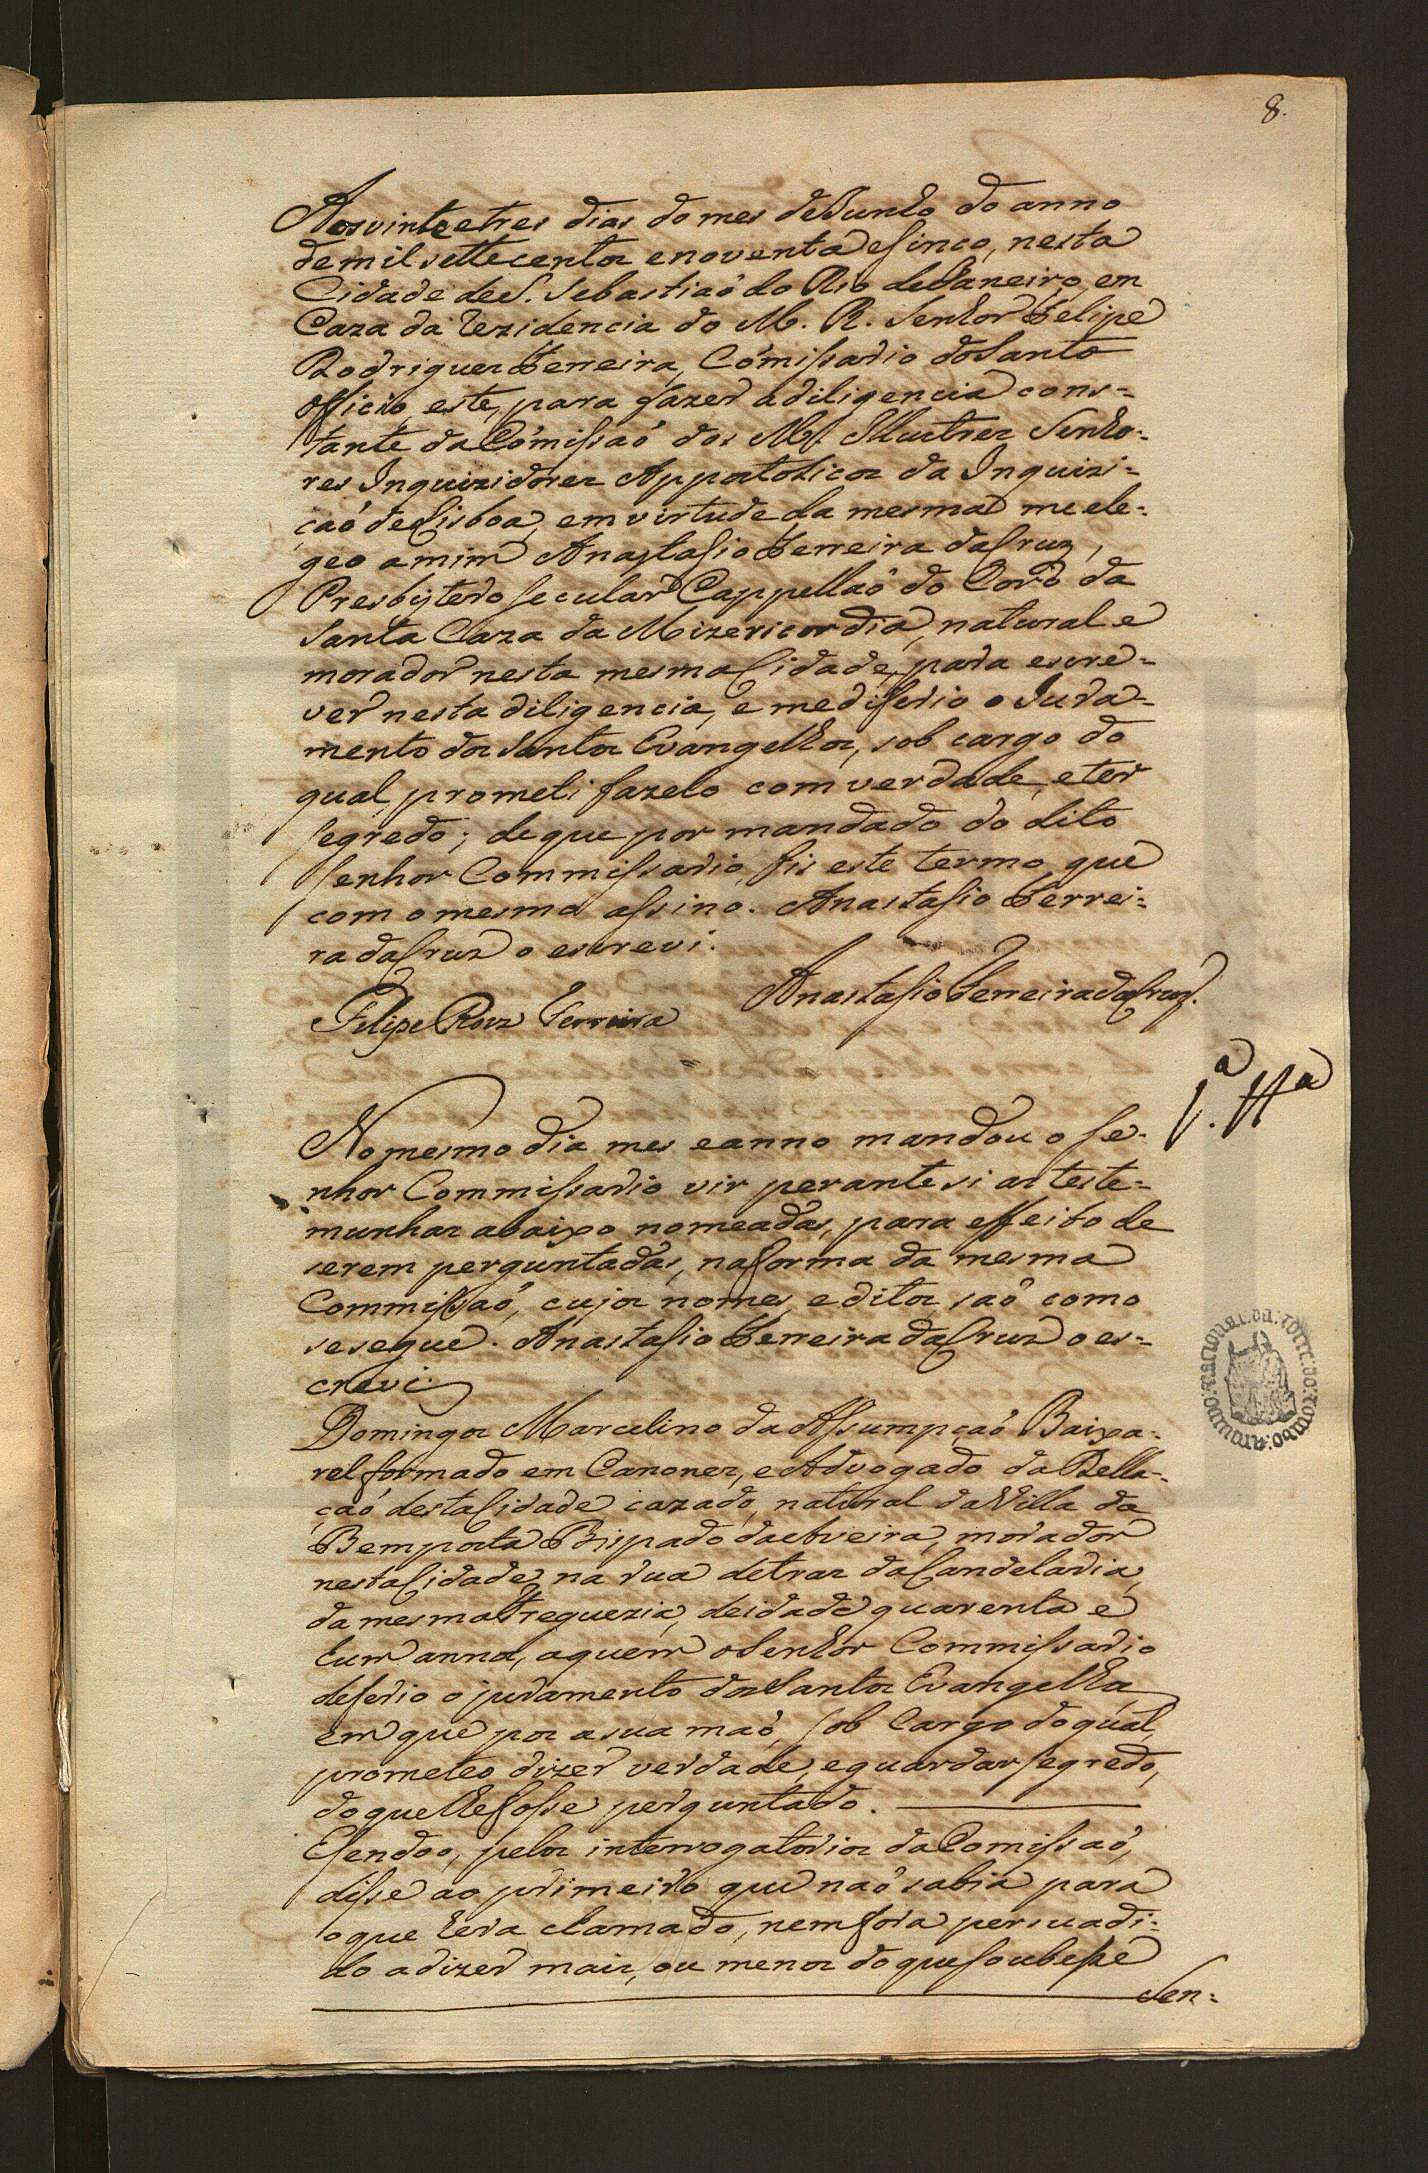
Aos vinte e tres dias do mes de Iunho do anno
de mil settecentos e noventa e sinco, nesta
Cidade de S. Sebastiaõ do Rio de Ianeiro, em
Caza da Rezidencia do M. R. Senhor Felipe
Rodriguez Ferreira, Comissario do Santo
officio este, para fazer a diligencia cons
tante da Comissaõ dos M Illustrez Senho
res Inquizidorez Appostolicoz da Inquizi
çaõ de Lisboa, em virtude da mesma me ele
geo a mim Anastasio Ferreira da Cruz,
Presbytero secular Cappellaõ do Coro da
Santa Caza da Mizericordia, natural e
morador nesta mesma Cidade, para escre
ver nesta diligencia, e me diferio o Iura
mento dos santos Evangelhos, sob cargo do
qual, prometi fazelo com verdade, e ter
segredo; de que por mandado do dito
senhor Commissario, fis este termo, que
com o mesmo assino. Anastasio Ferrei
ra da Cruz o escrevi.
Filipe Roiz Ferreira
Anastasio Ferreira da Cruz.
1.a tta
No mesmo dia mes e anno mandou o se
nhor Commissario vir perante si as teste
munhaz abaixo nomeadas, para effeito de
serem perguntadas, na forma da mesma
Commissaõ, cujoz nomes, e ditoz saõ como
se segue. Anastasio Ferreira da Cruz o es
crevi.
Domingos Marcelino da Assumpçaõ Baixa
rel formado em Canonez, e Advogado da Rella
çaõ desta Cidade cazado, natural da Villa da
Bemposta Bispado da Aveira, morador
nesta Cidade na rua de traz da Candelaria
da mesma Freguezia, de idade quarenta e
hum annoz, a quem o Senhor Commissario
deferio o juramento dos Santos Evangelhos
em que poz a sua maõ, sob Cargo do qual,
prometeo dizer verdade, e guardar segredo,
do que lhe fosse perguntado.
E sendoo, peloz interrogatorioz da Comissaõ,
disse ao primeiro que naõ sabia para
o que hera chamado, nem fora persuadi
do a dizer maiz, ou menos do que soubesse
sen
